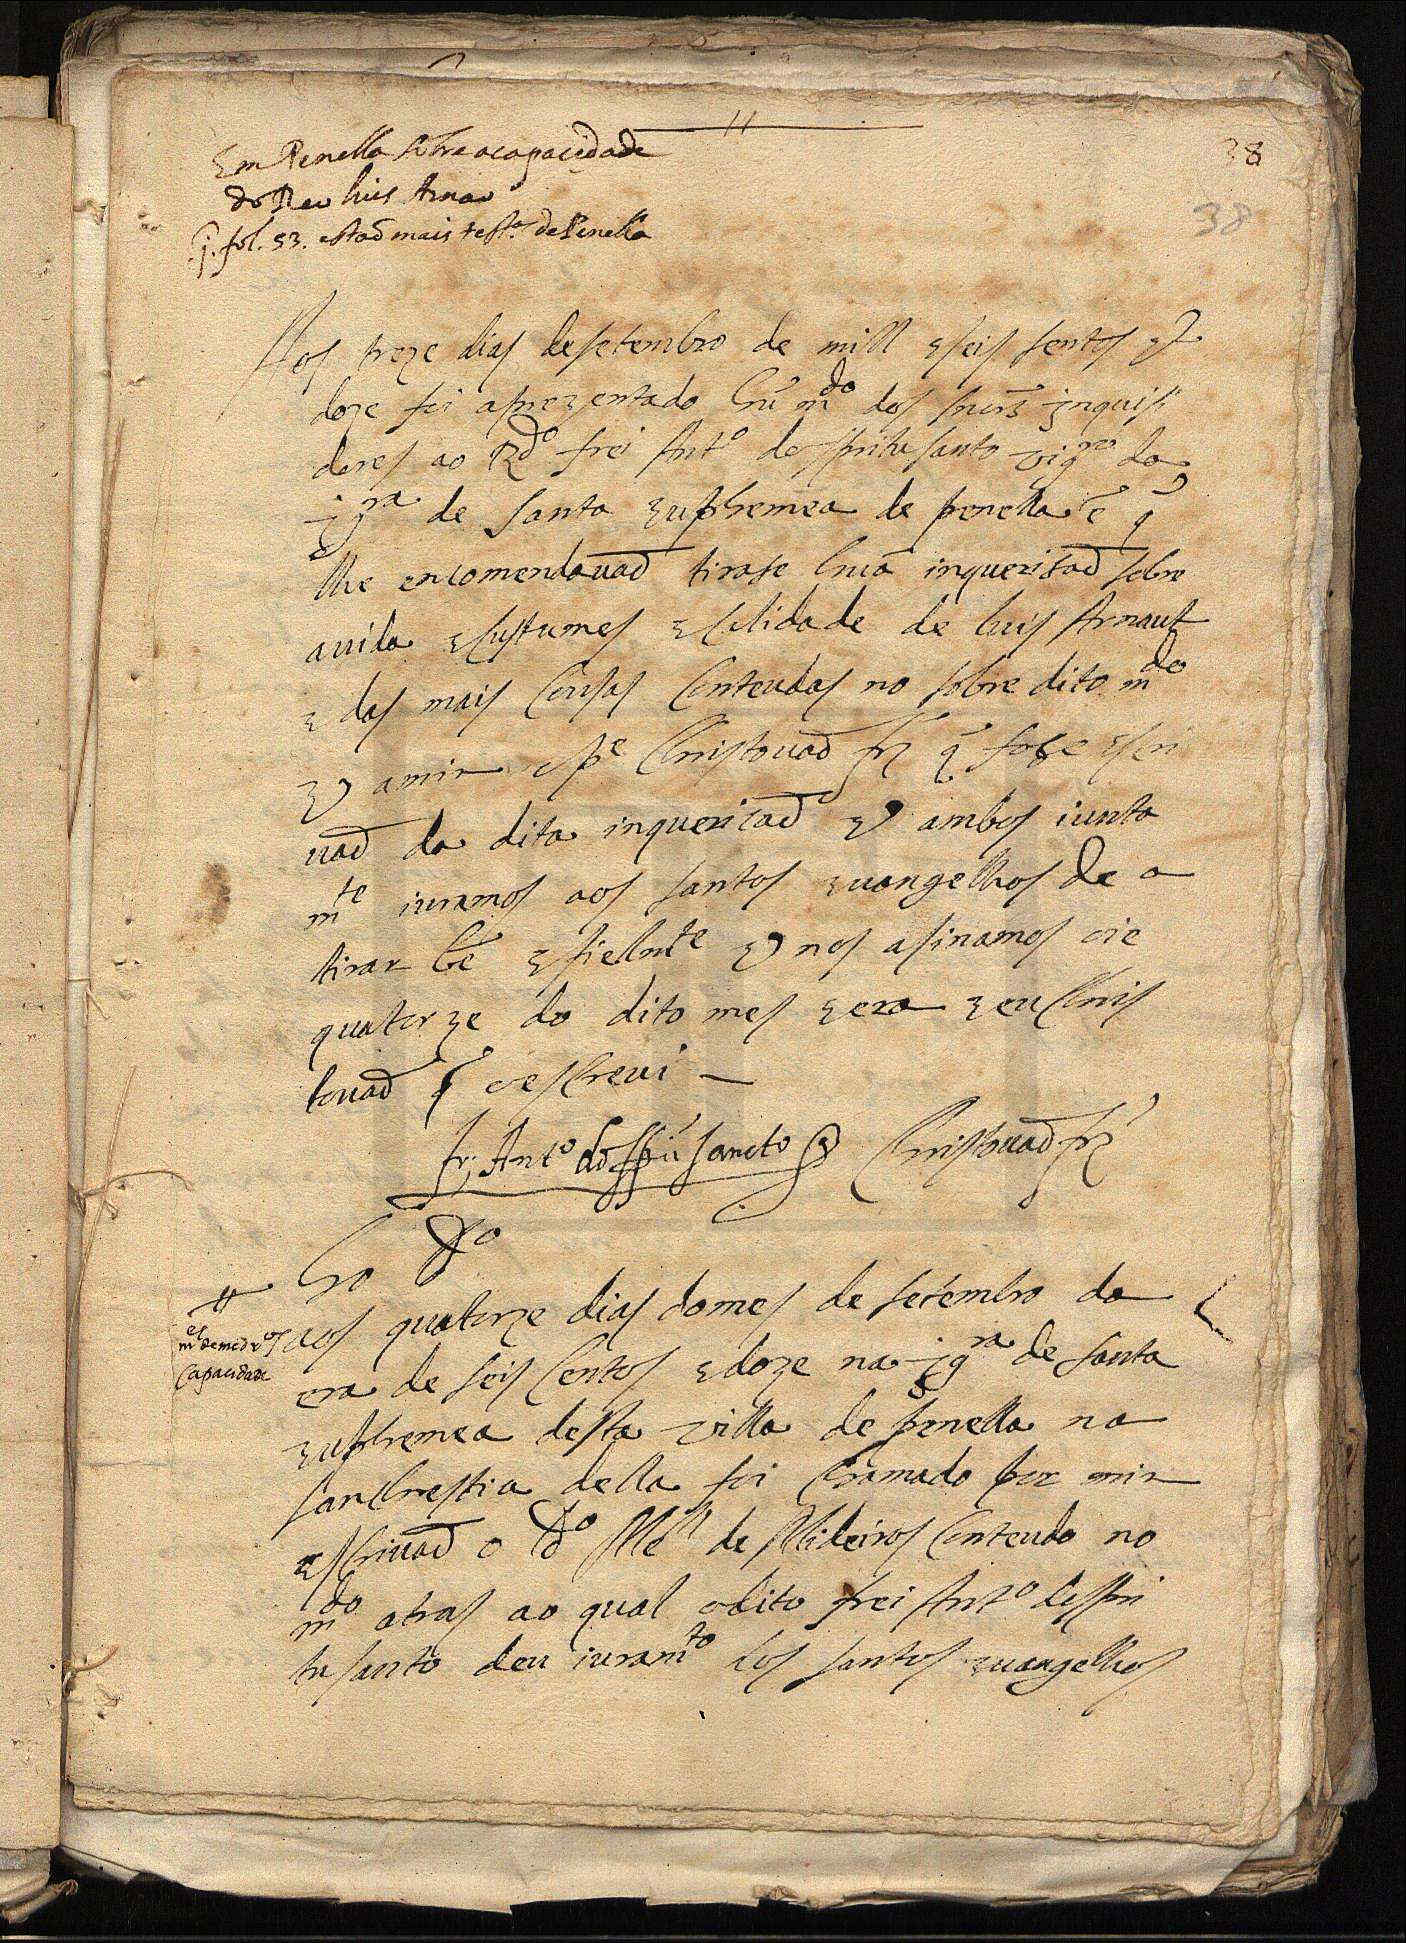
Em Penella sobre a capacidade
do Reo luis Arnao
j̄. fol. 53. estaõ mais test.as de Penella
Aos treze dias de setembro de mill E seissentos &
doze foi aprezentado hū mdo dos snors̄ jnquisi
dores ao Rdo frei Anto do spritu santo vigro da
jgra de Santa Euphemea de penella ē q̄
lhe encomendauão tirase huā inquerisão sobre
a uida E Custumes E Calidade de luis Arnaut
E das mais Cousas Conteudas no sobredito mdo
E a mim o pe Christouão frz̄ q̄ fose Escri
uaõ da dita inqueriçaõ E ambos iunta
mte iuramos aos santos Euangelhos de a
tirar bē E fielmte E nos asinamos oie
quatorze do dito mes E era E eu Chris
touaõ q̄ o esCreui -
fr; Anto do spū sancto
Christouaõ frz̄
mel de medros
Capacidade
ho Do
aos quatorze dias do mes de setembro da
era de seisCentos E doze na jgra de santa
Euphemea desta villa de penella na
sanchrestia della foi Chamado por min
EsCriuão o ldo Mell de Mideiros Conteudo no
mdo atras ao qual o dito frei Anto do spri
tu santo deu iuramto dos santos Euangelhos
